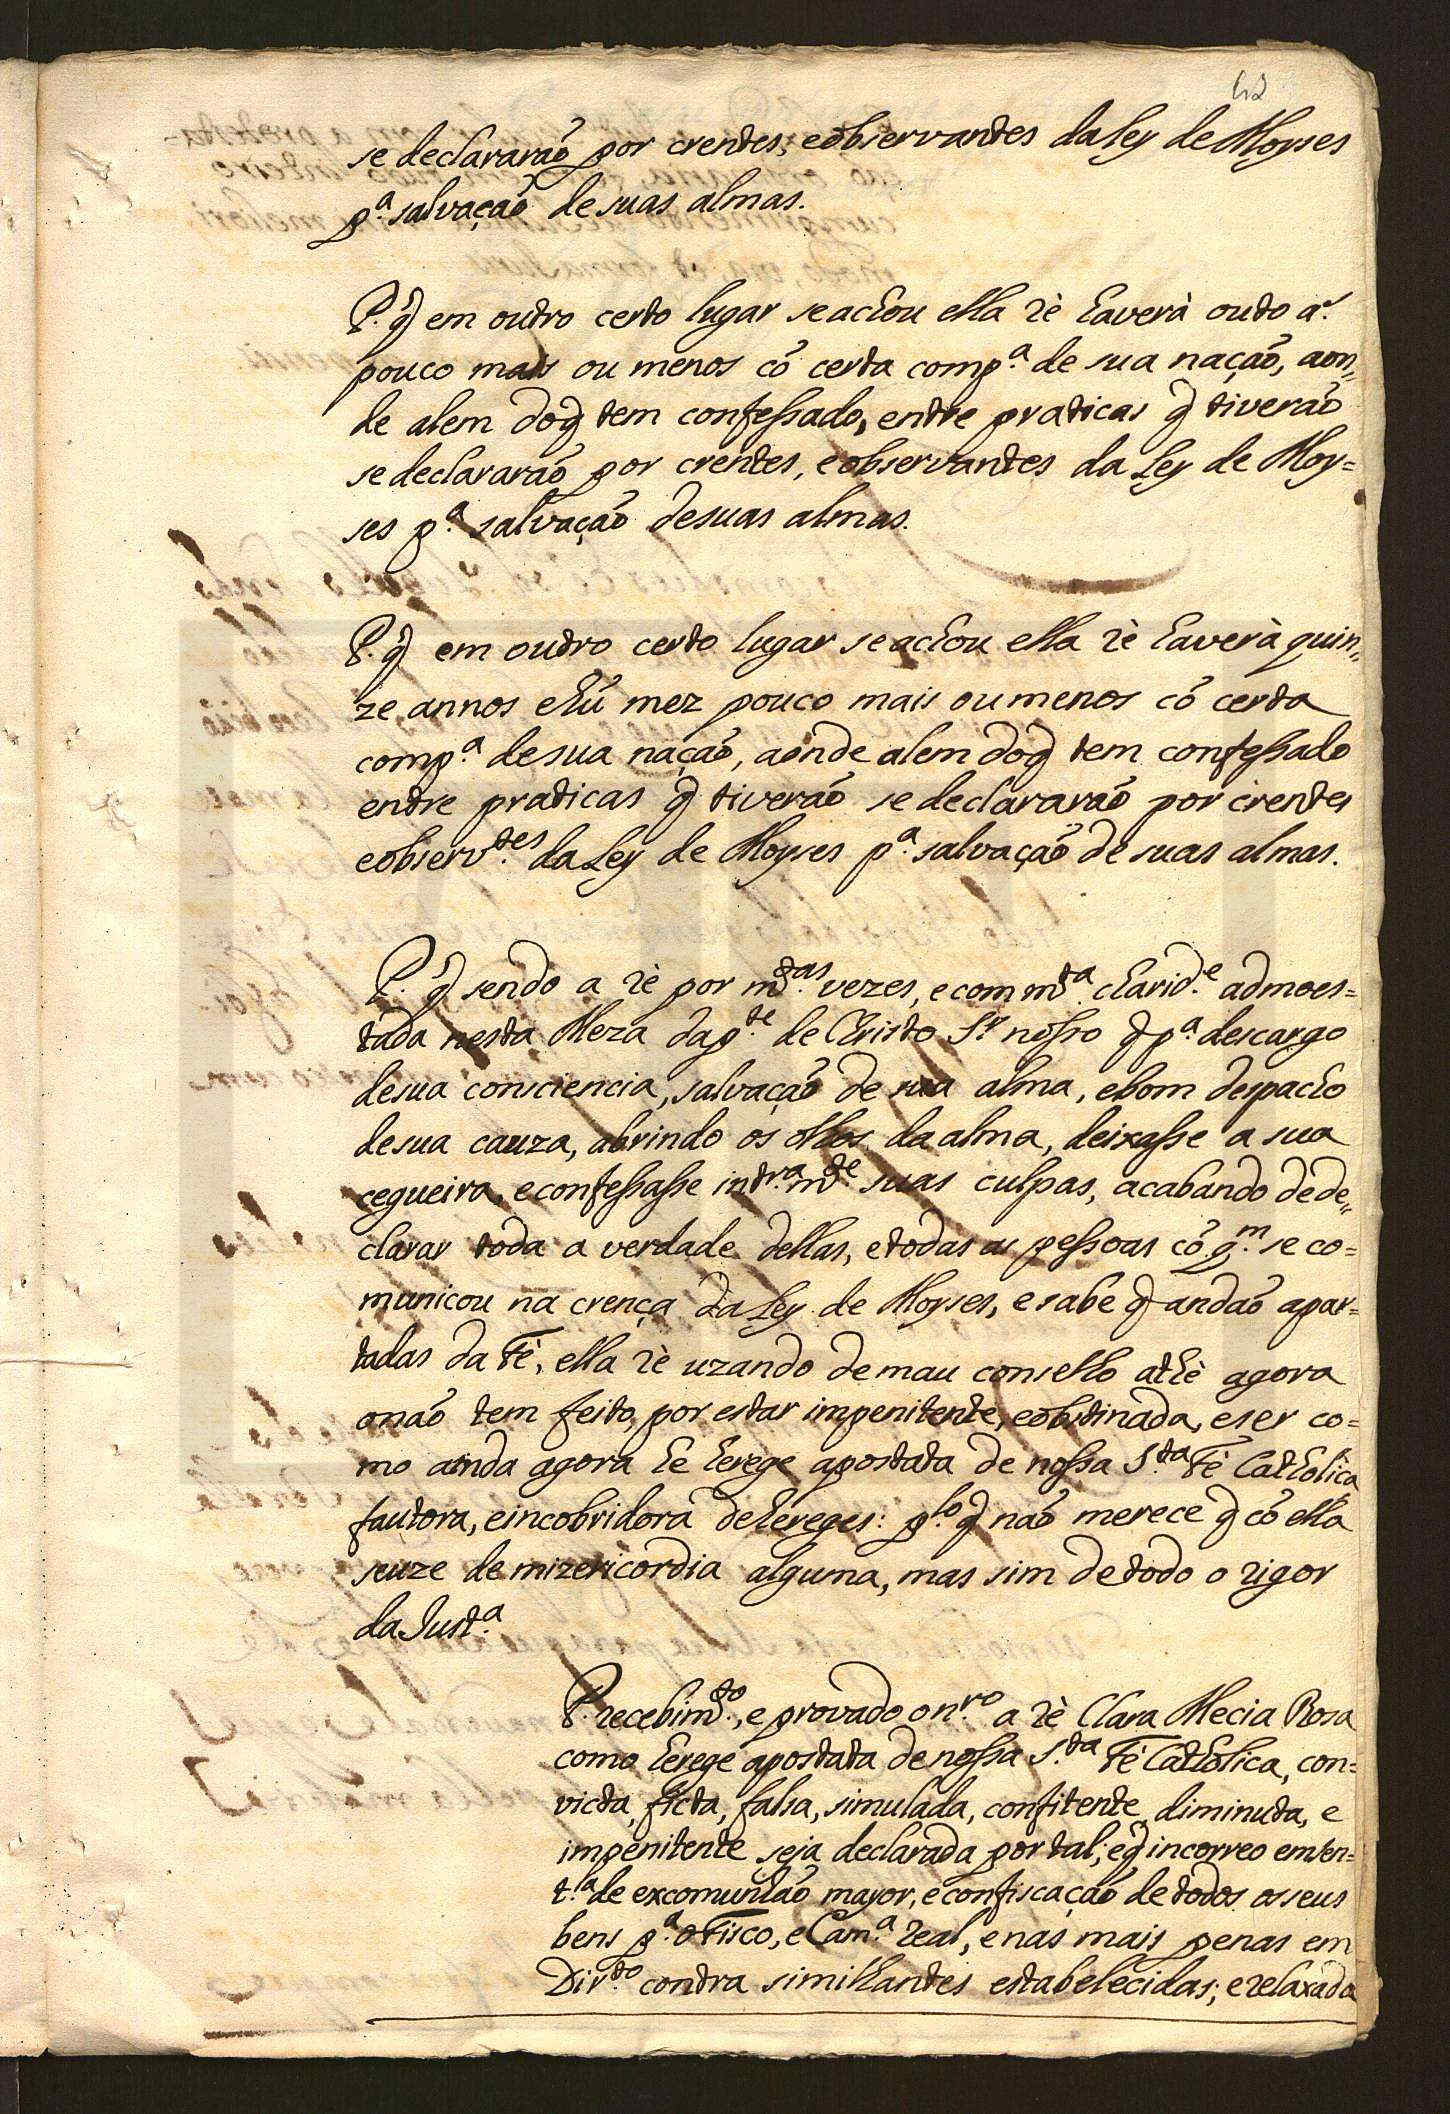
se declararaõ por crentes, e observantes da ley de Moyses
p.a salvaçaõ de suas almas.
P. q̄ em outro certo lugar se achou ella ré haverà outo ā.
pouco mais ou menos cō certa comp.a de sua naçaõ, aon
de alem do q̄ tem confessado, entre praticas q̄ tiveraõ
se declararaõ por crentes, e observantes da Ley de Moy
ses p.a salvaçaõ de suas almas.
P. q̄ em outro certo lugar se achou ella rè haverà quin
ze annos e hū mez pouco mais ou menos cō certa
comp.a de sua naçaõ, aonde alem do q̄ tem confessado
entre praticas q̄ tiveraõ se declararaõ por crentes
e observ.tes da Ley de Moyses p.a salvaçaõ de suas almas.
P. q̄ sendo a rè por m.tas vezes, e com mt.a charid.e admoes
tada nesta Meza da p.te de Christo S.r nosso q̄ p.a descargo
de sua consciencia, salvaçaõ de sua alma, e bom despacho
de sua cauza, abrindo os olhos da alma, deixasse a sua
cegueira e confessasse intr.amt.e suas culpas, acabando de de
clarar toda a verdade dellas, e todas as pessoas cō q.m se co
municou na crença da Ley de Moyses, e sabe q̄ andaõ apar
tadas da Fé, ella rè uzando de mau conselho athé agora
o naõ tem feito, por estar impenitente, e obstinada, e ser co
mo ainda agora he herege apostata de nossa S.ta Fè Catholica
fautora, e incobridora de hereges: p.lo q̄ naõ merece q̄ cō ella
se uze de mizericordia alguma, mas sim de todo o rigor
da Iust.a
P. recebim.to, e provado o n.ro a Rè Clara Mecia Rosa
como herege apostata de nossa S.ta Fè Catholica, con
victa, ficta, falsa, simulada, confitente, diminuta, e
impenitente seja declarada por tal; e q̄ incorreo em sen
t.a de excomunhaõ mayor, e confiscaçaõ de todos os seus
bens p.a o Fisco, e Cam.a Real, e nas mais penas em
Dir.to contra similhantes estabelecidas; e relaxada
